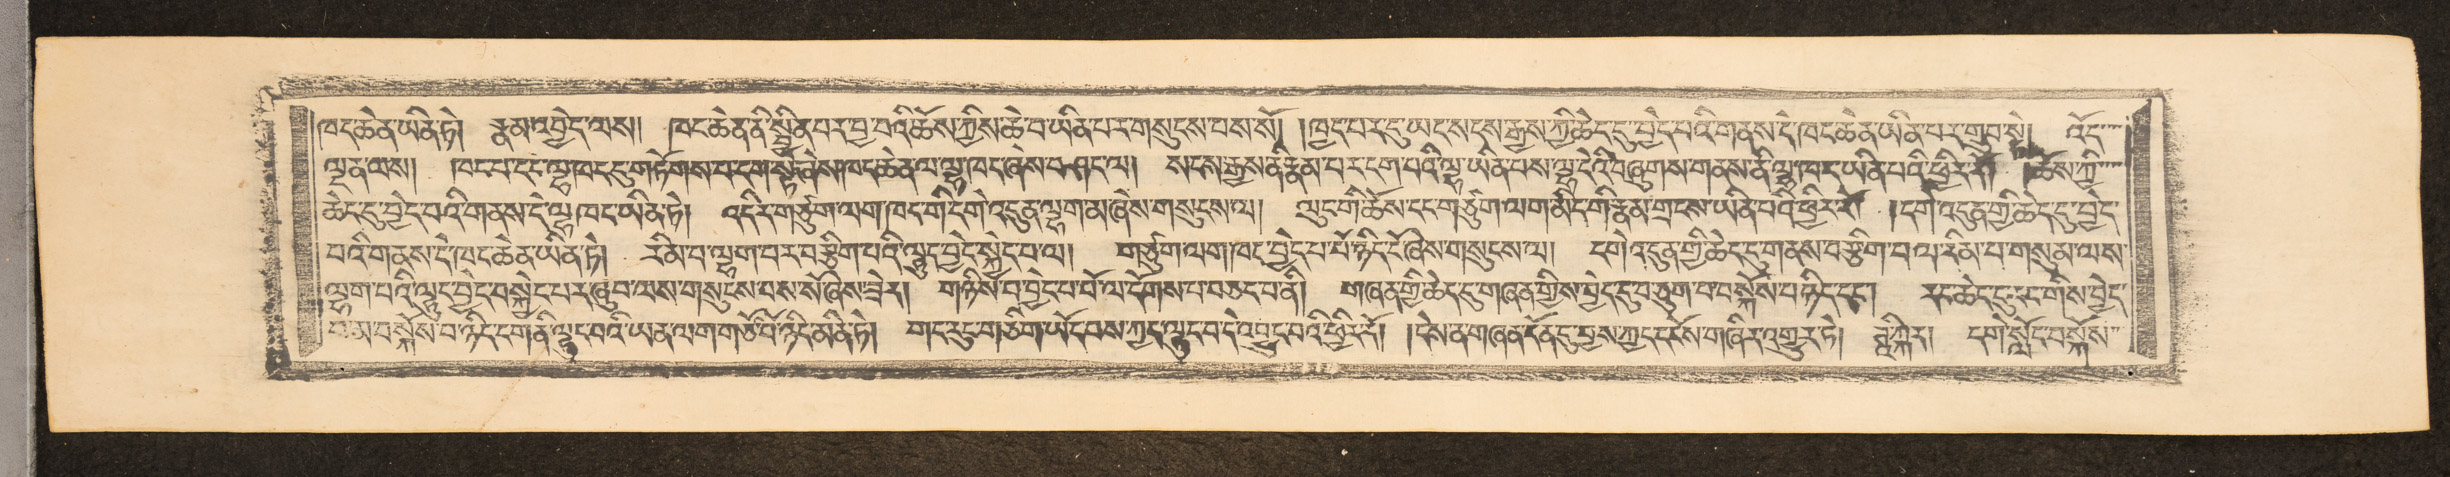ཁང་ཆེན་ཡིན་ཏེ། རྣམ་འབྱེད་ལས། ཁང་ཆེན་ནི་སྦྱིན་པར་བྱ་བའི་ཆོས་ཀྱིས་ཆེ་བ་ཡིན་པར་གསུངས་པས་སོ། །ཁྱད་པར་དུ་ཡང་སངས་རྒྱས་ཀྱི་ཆེད་དུ་བྱེད་པའི་གནས་དེ་ཁང་ཆེན་ཡིན་པར་གྲུབ་སྟེ། འོད་
ལྡན་ལས། ཁང་པ་དང་ལྷ་ཁང་དུ་གཏོགས་པ་དག་སྟེ་ཞེས་ཁང་ཆེན་ལ་ལྷ་ཁང་ཞེས་བཤད་ལ། སངས་རྒྱས་ནི་རྣམ་པར་དག་པའི་ལྷ་ཡིན་པས་ལྷ་དེའི་བཞུགས་གནས་ནི་ལྷ་ཁང་ཡིན་པའི་ཕྱིར་རོ། །ཆོས་ཀྱི་
ཆེད་དུ་བྱེད་པའི་གནས་དེ་ལྷ་ཁང་ཡིན་ཏེ། འདིར་གཙུག་ལག་ཁང་གི་དགེ་འདུན་ལྷག་མ་ཞེས་གསུངས་ལ། ལུང་གི་ཆོས་དང་གཙུག་ལག་མིང་གི་རྣམ་གྲངས་ཡིན་པའི་ཕྱིར་རོ། །དགེ་འདུན་གྱི་ཆེད་དུ་བྱེད་
པའི་གནས་དེ་ཁང་ཆེན་ཡིན་ཏེ། རིམ་བ་ལྷག་པར་བརྩིག་པའི་ལྟུང་བྱེད་སྐྱེད་པ་ལ། གཙུག་ལག་ཁང་བྱེད་པ་པོ་ཉིད་དོ་ཞེས་གསུངས་ལ། དགེ་འདུན་གྱི་ཆེད་དུ་གནས་བརྩིག་པ་ལ་རིམ་པ་གསུམ་ལས་
ལྷག་པའི་ལྟུང་བྱེད་བསྐྱེད་པར་ཞུབ་ལས་གསུངས་བས་སོ་ཞེས་ཟེར། གཉིས་པ་བྱེད་པ་པོ་ལ་དོགས་པ་བཅད་པ་ནི། གཞན་གྱི་ཆེད་དུ་གཞན་གྱིས་བྱེད་དུ་བཅུག་པ་བསྐོས་པ་ཉིད་དང་། རང་ཆེད་དུ་རང་གིས་བྱེད་
པ་མ་བསྐོས་པ་ཉིད་དག་ནི་ལྟུང་བའི་ཡན་ལག་གཙོ་བོ་ཉིད་མིན་ཏེ། གང་རུང་གཅིག་ཡོད་པས་ཀྱང་ལྟུང་བ་དེ་འབྱུང་བའི་ཕྱིར་རོ། །དེས་ན་གཞན་དོན་དུ་བྱས་ཀྱང་དངོས་གཞིར་འགྱུར་ཏེ། ཊཱིཀྐར། དགེ་སློང་བསྐོས་